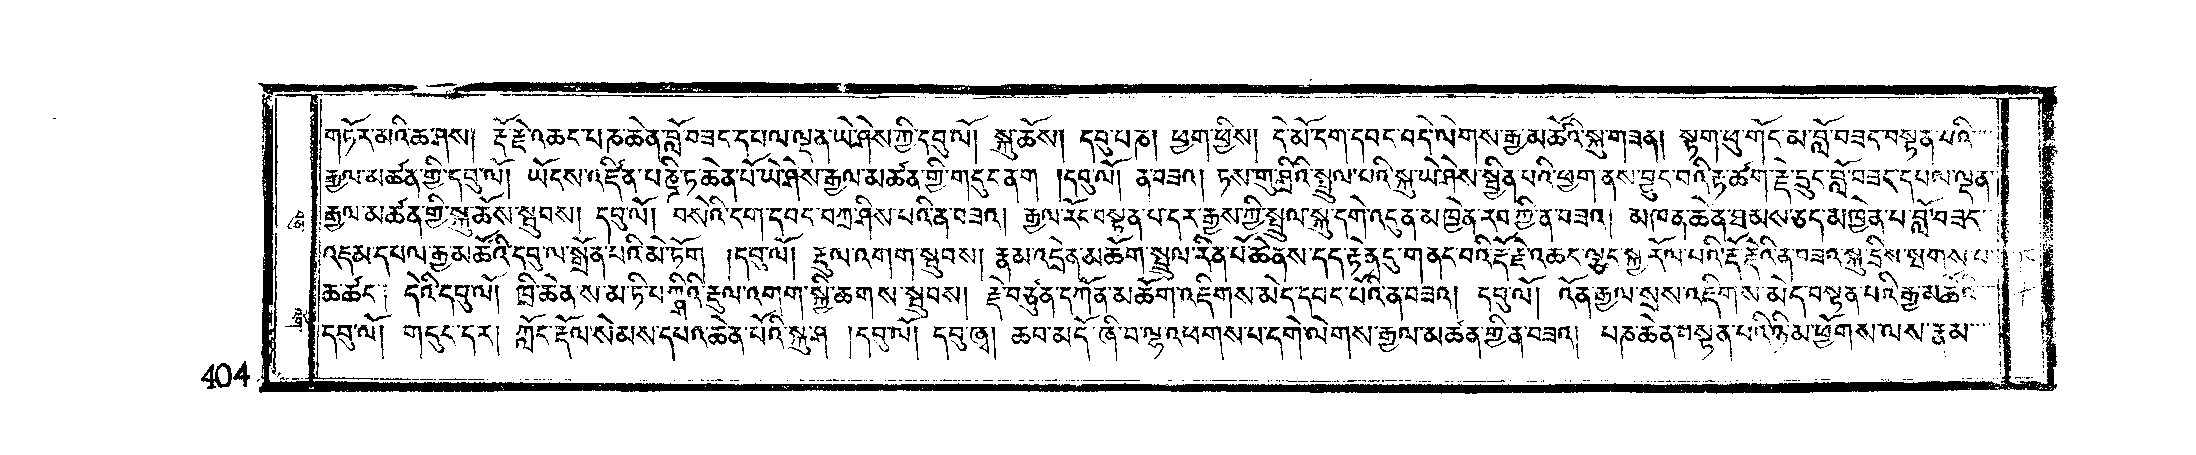གཏོར་མའི་ཆ་ཤས། རྡོ་རྗེ་འཆང་པཎ་ཆེན་བློ་བཟང་དཔལ་ལྡན་ཡེ་ཤེས་ཀྱི་དབུ་ལོ། སྐུ་ཆོས། དབུ་པཎ། ཕྱག་ཕྱིས། དེ་མོ་ངག་དབང་བདེ་ལེགས་རྒྱ་མཚོའི་སྐུ་གཟན། སྟག་ཕུ་གོང་མ་བློ་བཟང་བསྟན་པའི་
རྒྱལ་མཚན་གྱི་དབུ་ལོ། ཡོངས་འཛིན་པཎྜི་ཏ་ཆེན་པོ་ཡེ་ཤེས་རྒྱལ་མཚན་གྱི་གདུང་ནག །དབུ་ལོ། ན་བཟའ། ཏས་གུ་ཤྲིའི་སྤྲུལ་པའི་སྐུ་ཡེ་ཤེས་སྦྱིན་པའི་ཕྱག་ནས་བྱུང་བའི་རྟ་ཚག་རྗེ་དྲུང་བློ་བཟང་དཔལ་ལྡན་
རྒྱལ་མཚན་གྱི་སྐུ་ཆོས་སྦུབས། དབུ་ལོ། བསེའི་ངག་དབང་བཀྲ་ཤིས་པའི་ན་བཟའ། རྒྱལ་རོང་བསྟན་པ་དར་རྒྱས་ཀྱི་སྤྲུལ་སྐུ་དགེ་འདུན་མཁྱེན་རབ་གྱི་ན་བཟའ། མཁན་ཆེན་ཐམས་ཅད་མཁྱེན་པ་བློ་བཟང་
འཇམ་དཔལ་རྒྱ་མཚོའི་དབུ་ལ་སྒྲོན་པའི་མེ་ཏོག །དབུ་ལོ། རྡུལ་འགག་སྦུབས། རྣམ་འདྲེན་མཆོག་སྤྲུལ་རིན་པོ་ཆེ་ནས་དད་རྟེན་དུ་གནང་བའི་རྡོ་རྗེ་འཆང་ལྕང་སྐྱ་རོལ་བའི་རྡོ་རྗེའི་ན་བཟའ་སྐུ་དྲིས་སྤགས་པ་
ཆ་ཚང་། དེའི་དབུ་ལོ། ཁྲི་ཆེན་ས་མ་ཏི་པཀྴིའི་རྡུལ་འགག་སྐྱི་ཆགས་སྦུབས། རྗེ་བཙུན་དཀོན་མཆོག་འཇིགས་མེད་དབང་པོའི་ན་བཟའ། དབུ་ལོ། འོན་རྒྱལ་སྲས་འཇིགས་མེད་བསྟན་པའི་རྒྱ་མཚོའི་
དབུ་ལོ། གདུང་དར། ཀློང་རྡོལ་སེམས་དཔའ་ཆེན་པོའི་སྐུ་ཤ་།དབུ་ལོ། དབུ་ཞྭ། ཆབ་མདོ་ཞི་བ་ལྷ་འཕགས་པ་དགེ་ལེགས་རྒྱལ་མཚན་གྱི་ན་བཟའ། པཎ་ཆེན་བསྟན་པའི་ཉི་མ་ཕྱོགས་ལས་རྣམ་